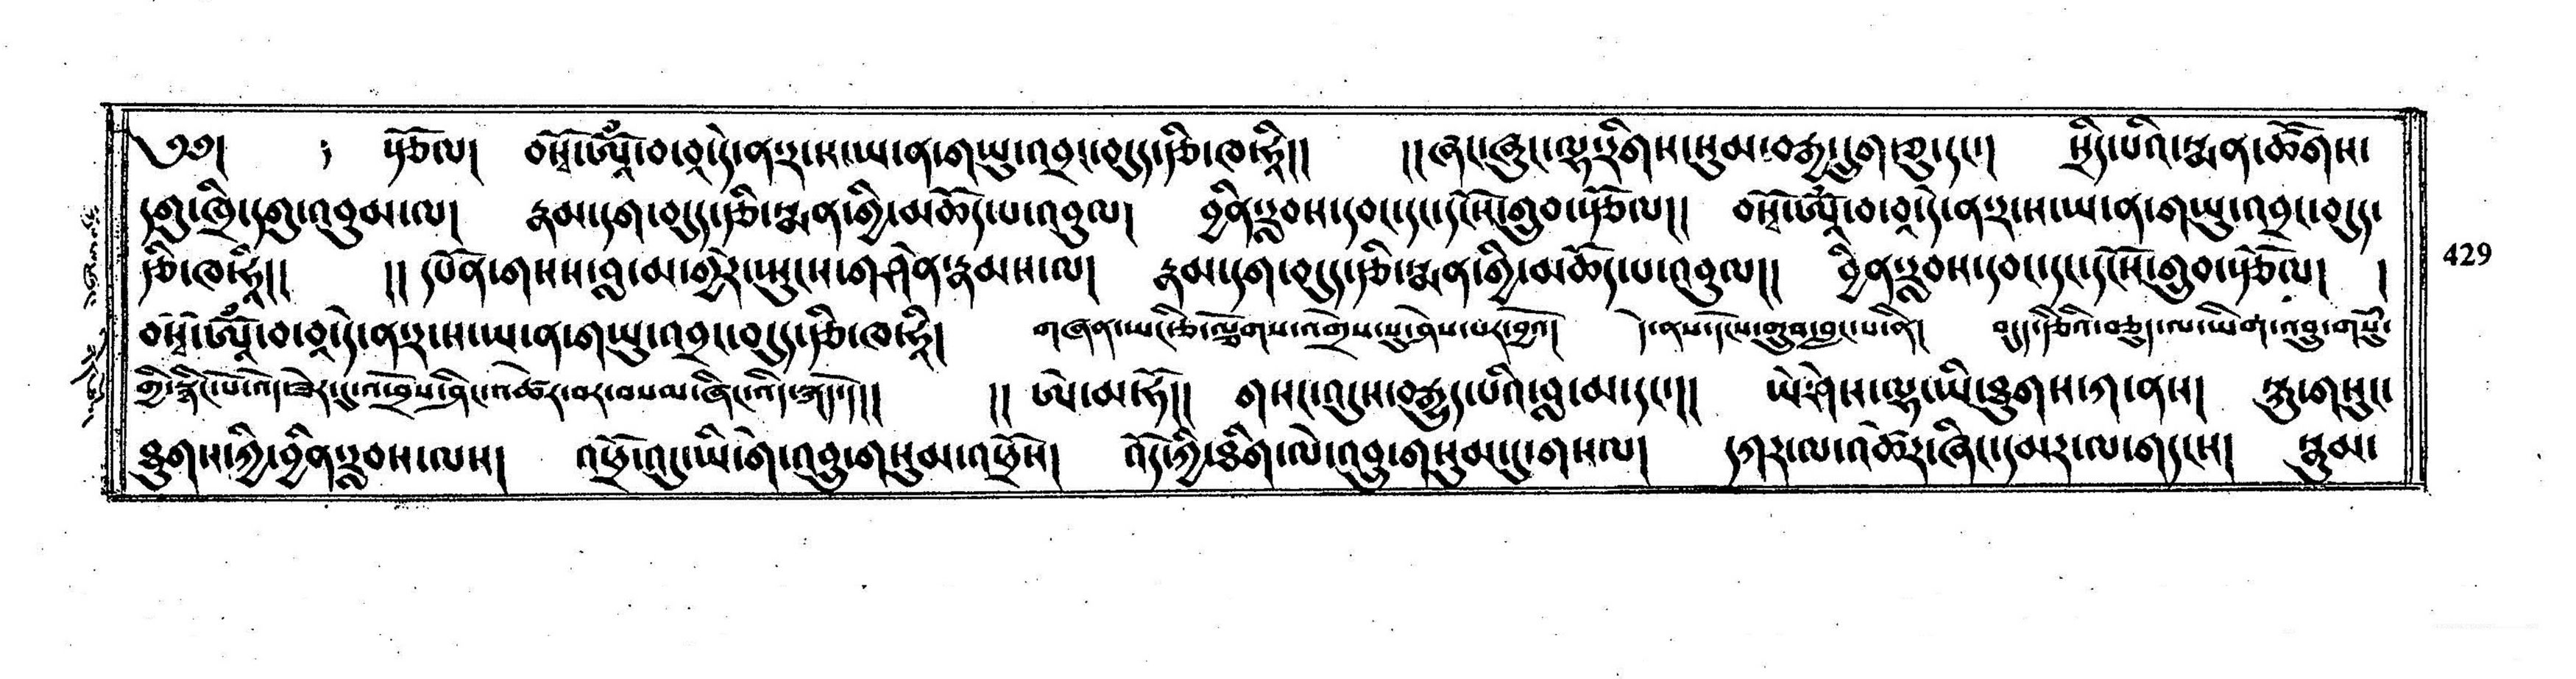སྩོལ། བསྭོ་ཨཱོཾ་བ་བཱ་དེ་ན་ར་ས་ཡ་ན་གཡུ་འབྲང་བདུད་རྩི་ཁ་ཧཱི།། །།ཞང་ཞུང་ལྷ་རིགས་སུམ་བརྒྱ་དྲུག་ཅུ་དང་། སྲིད་པའི་སྨན་ཚོགས་
དགུ་ཁྲི་དགུ་འབུམ་ལ། རྣམ་དག་བདུད་རྩི་སྨན་གྱི་མཆོད་པ་འབུལ། བྱིན་རླབས་དབང་དང་དངོས་གྲུབ་སྩོལ། བསྭོ་ཨཱོཾ་བ་བཱ་དེ་ན་ར་ས་ཡ་ན་གཡུ་འབྲང་བདུད་
རྩི་ཁ་ཧཱི།། །།དཔོན་གསས་བླ་མ་གྱེར་སྤུངས་གཤེན་རྣམས་ལ། རྣམ་དག་བདུད་རྩི་སྨན་གྱི་མཆོད་པ་འབུལ།། བྱིན་རླབས་དབང་དང་དངོས་གྲུབ་སྩོལ། 
བསྭོ་ཨཱོཾ་བ་བཱ་དེ་ན་ར་ས་ཡ་ན་གཡུ་འབྲང་བདུད་རྩི་ཁ་ཧཱི། གཞན་ཡང་ཅི་ལྕོགས་འགྲེས་སུ་ཤེས་པར་བྱའོ། དེ་ནས་དངོས་གྲུབ་བླང་པ་ནི། བདུད་རྩིའི་བཅུད་ལ་ཡིག་འབྲུ་གསུམ་
གྱི་སྙིང་པོ་འོད་ཟེར་དུ་འཕྲོས་ཤིང་འཚེར་བར་བསམ་ཞིང་འདི་སྐད་དོ།། །།ཨེ་མ་ཧོ།། གསང་འདུས་རྒྱུད་པའི་བླ་མ་དང་།། ཡེ་ཤེས་ལྷ་ཡི་ཐུགས་ཀ་ནས། སྐུ་གསུང་
ཐུགས་ཀྱི་{442}བྱིན་རླབས་ལས། འཕྲོ་འདུ་ཡི་གེ་འབྲུ་གསུམ་འཕྲོས། འོད་ཀྱི་ཐིག་ལེ་འབྲུ་གསུམ་དུ་གསལ། དཀར་ལ་འཚེར་ཞིང་དམར་ལ་གདངས། སྣུམ་